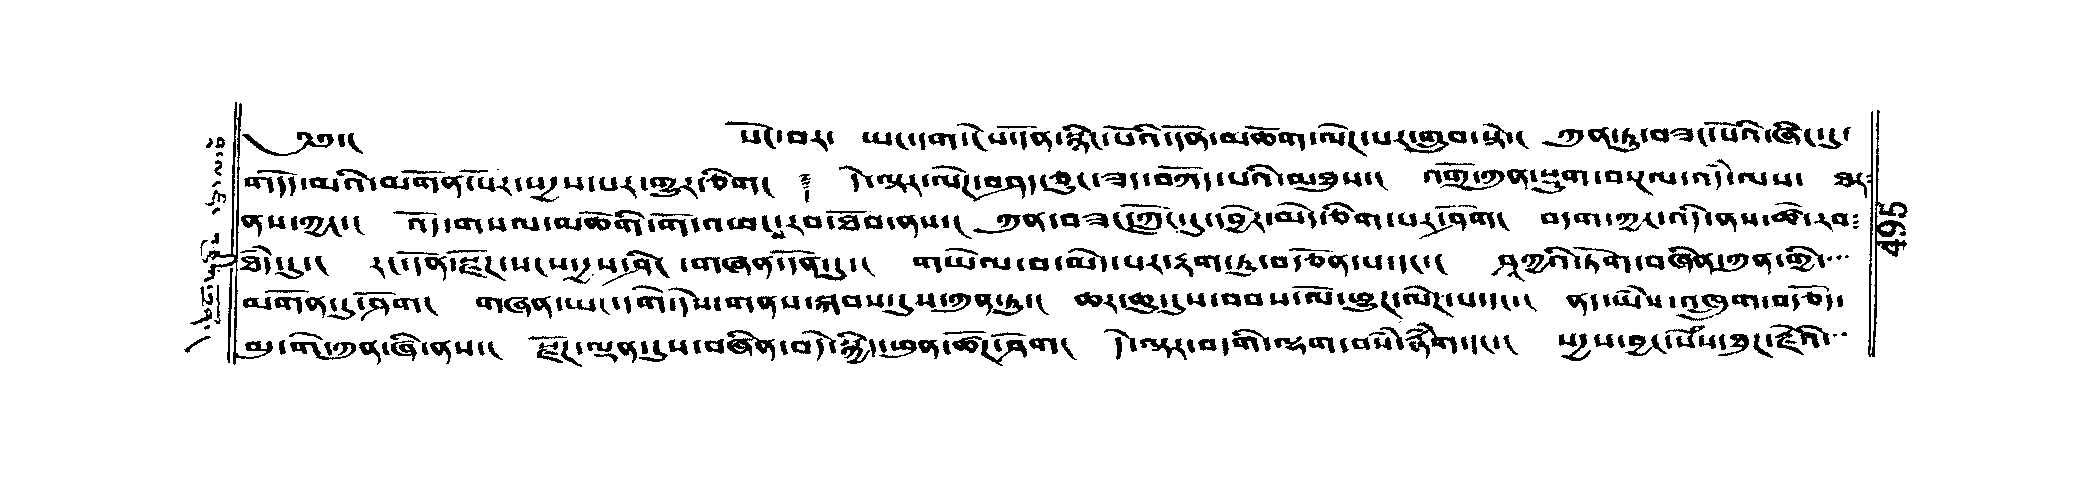སོང་བར། ཡང་དག་ངེས་དོན་སྙིང་པོའི་དོན་མཆོག་ལེགས་པར་གྲུབ་སྟེ། ཀུན་ཏུ་བཟང་པོའི་ཞིང་དུ་
གདོད་མའི་མགོན་པོར་སངས་རྒྱས་པར་གྱུར་ཅིག།དེ་ལྟར་ལེགས་བཤད་ཅུང་ཟད་བཀོད་པའི་མཐུས། །འགྲོ་ཀུན་སྡུག་བསྔལ་འདམ་ལས་ཐར་
ནས་ཀྱང་། །འོད་གསལ་མཆོག་གི་གོ་འཕང་རབ་ཐོབ་ནས། །ཀུན་བཟང་ཀློང་དུ་དབྱེར་མེད་གཅིག་པར་ཤོག །བདག་ཀྱང་འདི་ནས་ཚེ་རབས་
ཐམས་ཅད་དུ། །རང་དོན་རྫོགས་སངས་རྒྱས་ཤིང་གཞན་དོན་དུ། །གཡེལ་བ་མེད་པར་རྟག་ཏུ་བརྩོན་པ་དང་། །ཤཱཀྱའི་ཏོག་བཞིན་ཀུན་གྱི་
མགོན་དུ་ཤོག གཞན་ཡང་དགེ་དེས་གནས་སྐབས་དུས་ཀུན་ཏུ། །ཆར་ཆུ་དུས་བབས་ལོ་ཕྱུགས་ལེགས་པ་དང་། །ནད་ཡམས་འཁྲུག་བརྩོད་
མུ་གེ་ཀུན་ཞི་ནས། །རྫོགས་ལྡན་དུས་བཞིན་བདེ་སྐྱིད་ཕུན་ཚོགས་ཤོག །དེ་ལྟར་བདག་གི་ལྷག་བསམ་རྣམ་དག་དང་། །སངས་རྒྱས་བྱང་སེམས་ཐུགས་རྗེའི་